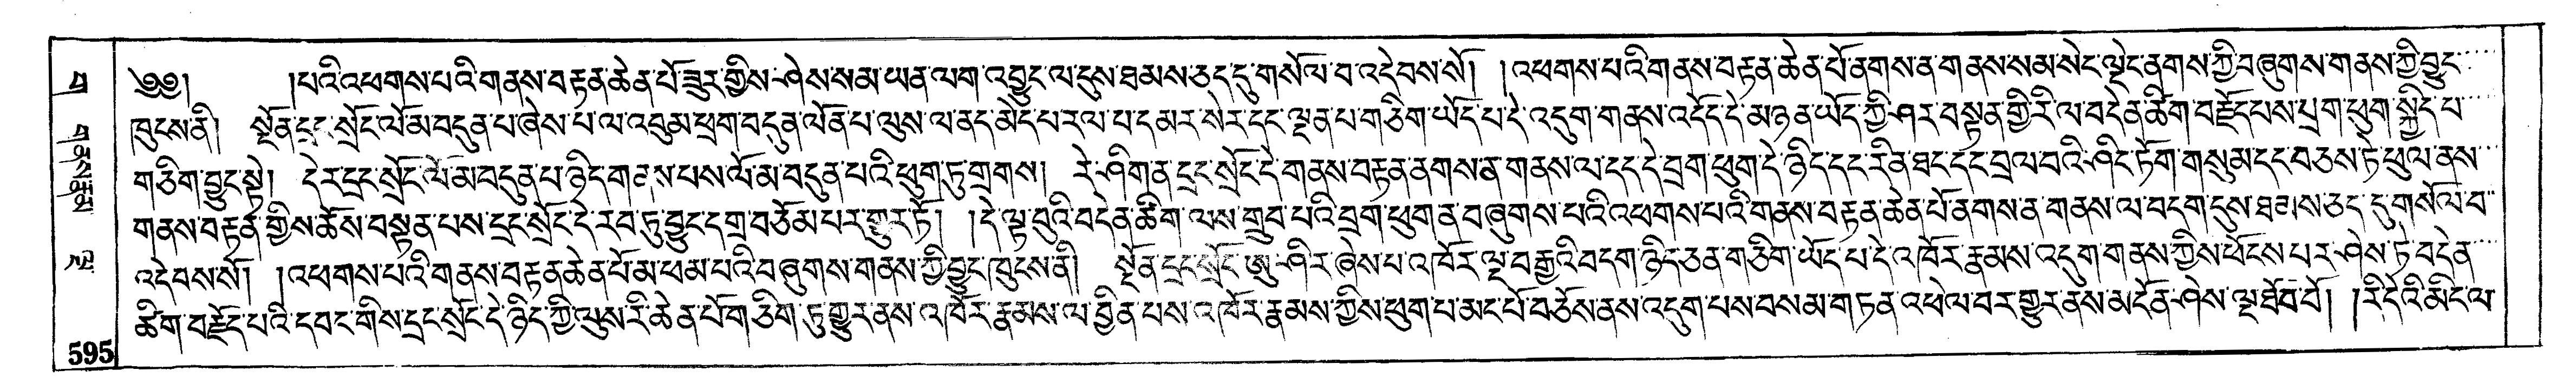༄༅། །པའི་འཕགས་པའི་གནས་བརྟན་ཆེན་པོ་ཟུར་གྱིས་ཤེས་སམ་ཡན་ལག་འབྱུང་ལ་དུས་ཐམས་ཅད་དུ་གསོལ་བ་འདེབས་སོ། །འཕགས་པའི་གནས་བརྟེན་ཆེན་པོ་ནགས་ན་གནས་སམ་སེང་ལྡེང་ནགས་ཀྱི་བཞུགས་གནས་ཀྱི་བྱུང་
ཁུངས་ནི། སྔོན་དྲང་སྲོང་ལོ་མ་བདུན་པ་ཞེས་པ་ལོ་འབུམ་ཕྲག་བདུན་ལོན་པ་ལུས་ལ་ནད་མེད་པ་རལ་པ་དམར་སེར་དང་ལྡན་པ་གཅིག་ཡོད་པ་དེ་འདུག་གནས་འདོད་དེ་མཉན་ཡོད་ཀྱི་ཤར་བསྟན་གྱི་རི་ལ་བདེན་ཚིག་བརྗོད་པས་བྲག་ཕུག་སྐྱིད་པ་
གཅིག་བྱུང་སྟེ། དེར་དྲང་སྲོང་ལོ་མ་བདུན་པ་ཉིད་གནས་བས་ལོ་མ་བདུན་པའི་ཕུག་ཏུ་གྲགས། རེ་ཤིག་ན་དྲང་སྲོང་དེ་གནས་བརྟན་ནགས་ན་གནས་ལ་དད་དེ་བྲག་ཕུག་དེ་ཉིད་དང་རིན་ཐང་དང་བྲལ་བའི་ཤིང་ཏོག་གསུམ་དང་བཅས་ཏེ་ཕུལ་ནས་
གནས་བརྟན་གྱིས་ཆོས་བསྟན་པས་དྲང་སྲོང་དེ་རབ་ཏུ་བྱུང་དགྲ་བཅོམ་པར་གྱུར་ཏོ། །དེ་ལྟ་བུའི་བདེན་ཚིག་ལས་གྲུབ་པའི་བྲག་ཕུག་ན་བཞུགས་པའི་འཕགས་པའི་གནས་བརྟན་ཆེན་པོ་ནགས་ན་གནས་ལ་བདག་དུས་ཐམས་ཅད་དུ་གསོལ་བ་
འདེབས་སོ། །འཕགས་པའི་གནས་བརྟན་ཆེན་པོ་མ་ཕམ་པའི་བཞུགས་གནས་ཀྱི་བྱུང་ཁུངས་ནི། སྔོན་དྲང་སྲོང་ཨུ་ཤིར་ཞེས་པ་འཁོར་ལྔ་བརྒྱའི་བདག་ཉིད་ཅན་གཅིག་ཡོད་པ་དེ་འཁོར་རྣམས་འདུག་གནས་ཀྱིས་ཕོངས་པར་ཤེས་ཏེ་བདེན་
ཚིག་བརྗོད་པའི་དབང་གིས་དྲང་སྲོང་དེ་ཉིད་ཀྱི་ལུས་རི་ཆེན་པོ་གཅིག་ཏུ་གྱུར་ནས་འཁོར་རྣམས་ལ་བྱིན་པས་འཁོར་རྣམས་ཀྱིས་ཕུག་པ་མང་པོ་བཅོས་ནས་འདུག་པས་བསམ་གཏན་འཕེལ་བར་གྱུར་ནས་མངོན་ཤེས་ལྔ་ཐོབ་བོ། །རི་དེའི་མིང་ལ་